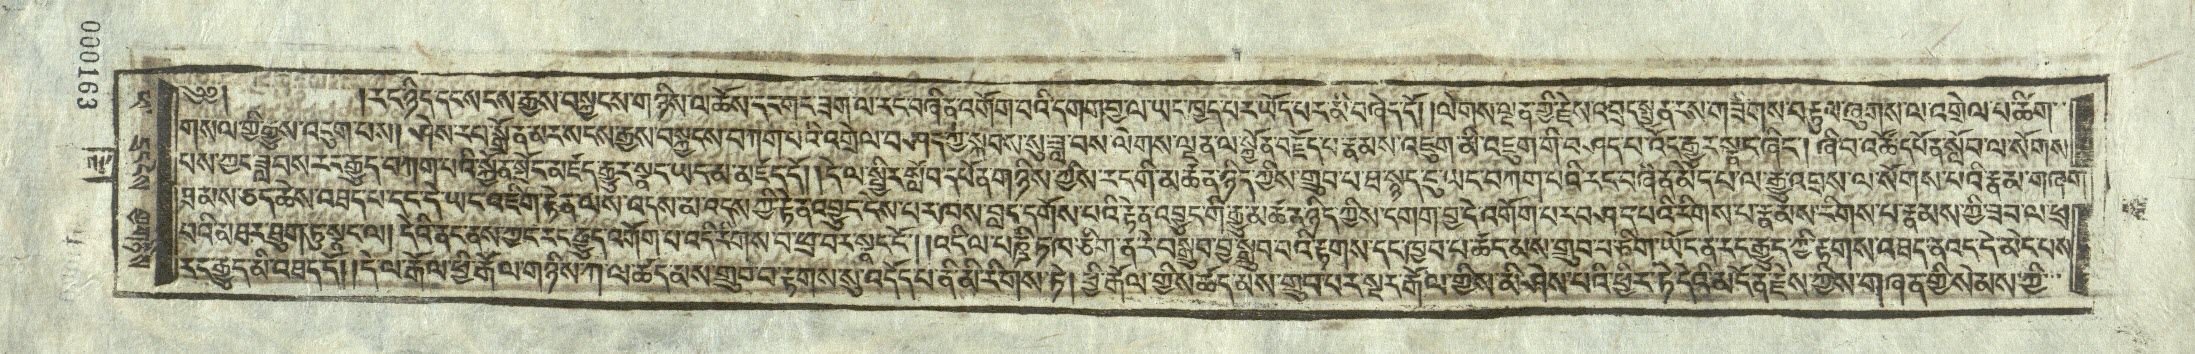༄༅། །རང་ཉིད་དང་སངས་རྒྱས་བསྐྱངས་གཉིས་ལ་ཆོས་དང་གང་ཟག་ལ་རང་བཞིན་འགོག་པའི་དགག་བྱ་ལ་ཡང་ཁྱད་པར་ཡོད་པར་མི་བཞེད་དོ། །ལེགས་ལྡན་གྱི་རྗེས་འབྲང་སྤྱན་རས་གཟིགས་བརྟུལ་ཞུགས་ལ་འགྲེལ་པ་ཚིག་
གསལ་གྱི་རྒྱུས་འདུག་པས། ཤེས་རབ་སྒྲོན་མར་སངས་རྒྱས་བསྐྱངས་བཀག་པའི་འགྲེལ་བཤད་ཀྱི་སྐབས་སུ་ཟླ་བས་ལེགས་ལྡན་ལ་སྐྱོན་བརྗོད་པ་རྣམས་འཇུག་མི་འཇུག་གི་བཤད་པ་འོང་རྒྱུར་སྣང་ཞིང་། ཞི་བ་འཚོ་དཔོན་སློབ་ལ་སོགས་
པས་ཀྱང་ཟླ་བས་རང་རྒྱུད་བཀག་པའི་སྐྱེན་སྤོང་མཛད་རྒྱུར་སྣང་ཡང་མ་མཛད་དོ། །དེ་ལ་སྤྱིར་སློབ་དཔོན་གཉིས་ཀྱིས་རང་གི་མཚན་ཉིད་ཀྱིས་གྲུབ་པ་ཐ་སྙད་དུ་ཡང་བཀག་པའི་རང་བཞིན་མེད་པ་ལ་རྒྱུ་འབྲས་ལ་སོགས་པའི་རྣམ་གཞག་
ཐམས་ཅད་ཆེས་འཐད་པ་དང་དེ་ཡང་འཇིག་རྟེན་ལས་འདས་མ་འདས་ཀྱི་རྟེན་འབྱུང་ངེས་པར་ཁས་བླང་དགོས་པའི་རྟེན་འབྱུང་གི་རྒྱུ་མཚན་ཉིད་ཀྱིས་དགག་བྱ་དེ་འགོག་པར་བཤད་པའི་རིགས་པ་རྣམས་རིགས་པ་རྣམས་ཀྱི་ཟབ་ལ་ཕྲ་
བའི་མཐར་ཐུག་ཏུ་སྣང་ལ། དེའི་ནང་ནས་ཀྱང་རང་རྒྱུད་འགོག་པ་འདི་རིགས་པ་ཕྲ་བར་སྣང་ངོ། །འདི་ལ་པཎྜི་ཏ་ཁ་ཅིག་ན་རེ་བསྒྲུབ་བྱ་སྒྲུབ་པའི་རྟགས་དང་ཁྱབ་པ་ཚད་མས་གྲུབ་པ་ཅིག་ཡོད་ན་རང་རྒྱུད་ཀྱི་རྟགས་འཐད་ནའང་དེ་མེད་པས་
རང་རྒྱུད་མི་འཐད་དོ། །དེ་ལ་རྒོལ་ཕྱི་རྒོལ་གཉིས་ཀ་ལ་ཚད་མས་གྲུབ་པ་རྟགས་སུ་འདོད་པ་ནི་མི་རིགས་ཏེ། ཕྱི་རྒོལ་གྱིས་ཚད་མས་གྲུབ་པར་སྔར་རྒོལ་གྱིས་མི་ཤེས་པའི་ཕྱིར་ཏེ་དེའི་མངོན་རྗེས་ཀྱིས་གཞན་གྱི་སེམས་ཀྱི་